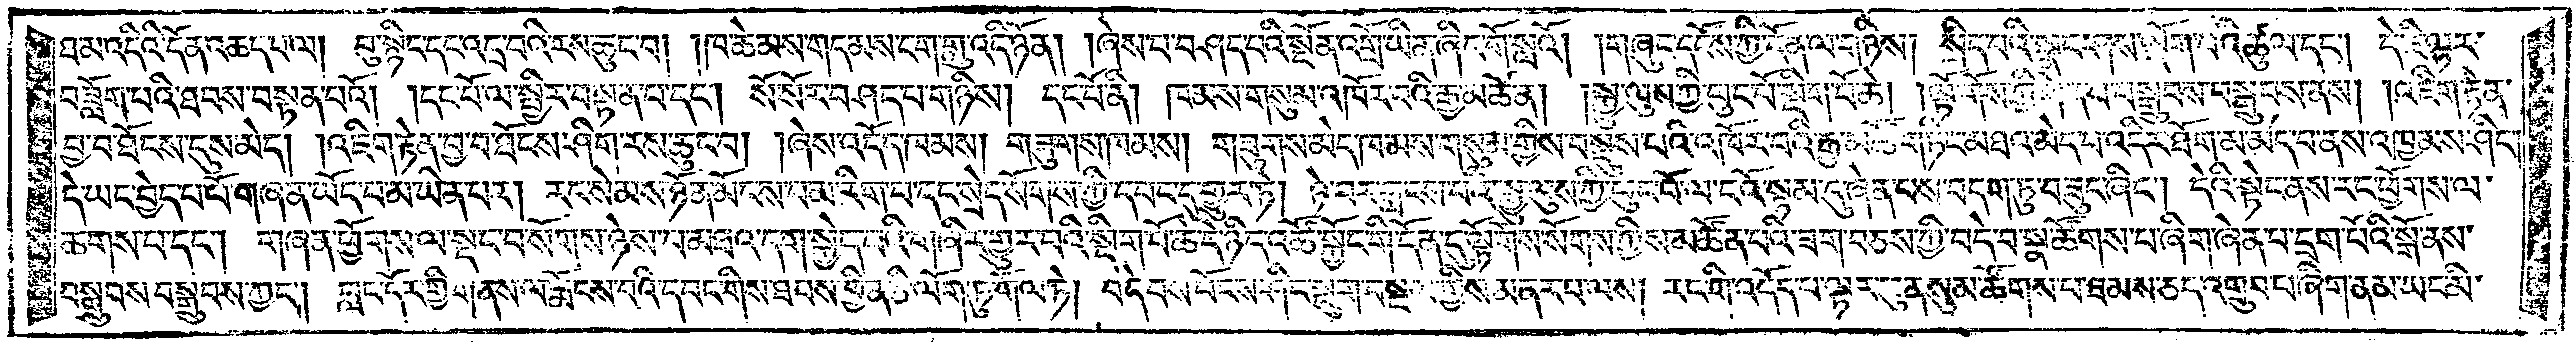ཐ་མ་འདིའི་དོན་འཆད་པ་ལ། བུ་སྙིང་དང་འདྲ་བའི་རས་ཆུང་བ། །ཁ་ཆེམས་གདམས་ངག་གླུ་འདི་ཉོན། །ཞེས་པ་བཤད་པའི་སྔོན་འགྲོ་ཡིན་ཞིང་གོ་སླའོ། །གཞུང་དངོས་ཀྱི་དོན་ལ་གཉིས། སྲིད་པའི་སྣང་ཤས་ལྡོག་པའི་ཚུལ་དང་། དེ་ཇི་ལྟར་
བཟློག་པའི་ཐབས་བསྟན་པའོ། །དང་པོ་ལ་སྤྱིར་བསྟན་པ་དང་། སོ་སོར་བཤད་པ་གཉིས། དང་པོ་ནི། ཁམས་གསུམ་འཁོར་བའི་རྒྱ་མཚོན། །སྒྱུ་ལུས་ཀྱི་ཕུང་པོ་སྡིག་པོ་ཆེ། །ལྟོ་གོས་ཀྱི་ཞེན་པ་བསྒྲུབས་བསྒྲུབས་ནས། །འཇིག་རྟེན་
བྱ་བ་ཐོངས་དུས་མེད། །འཇིག་རྟེན་བྱ་བ་ཐོངས་ཤིག་རས་ཆུང་བ། །ཞེས་འདོད་ཁམས། གཟུགས་ཁམས། གཟུགས་མེད་ཁམས་གསུམ་གྱིས་བསྡུས་པའི་འཁོར་བའི་རྒྱ་མཚོ་གཏིང་མཐའ་མེད་པ་འདིར་ཐོག་མ་མེད་པ་ནས་འཁྱམས་ཤིང་
དེ་ཡང་བྱེད་པ་པོ་གཞན་ཡོད་པ་མ་ཡིན་པར། རང་སེམས་ཉོན་མོངས་པ་མ་རིག་པ་དང་སྲེད་སོགས་ཀྱི་དབང་དུ་གྱུར་ཏེ། ཉེ་བར་བླངས་པའི་སྒྱུ་ལུས་ཀྱི་ཕུང་པོ་ལ་ངའོ་སྙམ་དུ་ཞེན་པས་བདག་ཏུ་བཟུང་ཞིང་། དེའི་སྟེང་ནས་རང་ཕྱོགས་ལ་
ཆགས་པ་དང་། གཞན་ཕྱོགས་ལ་སྡང་བ་སོགས་ཉེས་པ་མཐའ་དག་སྐྱེད་པའི་གཞིར་གྱུར་བའི་སྡིག་པོ་ཆེ་དེ་ཉིད་འཚོ་སྐྱོང་གི་དོན་དུ་ལྟོ་གོས་སོགས་ཀྱིས་མཚོན་པའི་ཐག་བཅས་ཀྱི་བདེ་བ་སྣ་ཚོགས་པ་ཞིག་ཞེན་པ་དྲག་པོའི་སྒོ་ནས་
བསྒྲུབས་བསྒྲུབས་ཀྱང་། བླང་དོར་གྱི་གནས་ལ་རྨོངས་པའི་དབང་གིས་ཐབས་ཕྱིན་ཅི་ལོག་ཏུ་གོལ་ཏེ། བདེ་བས་ཕོངས་ཤིང་སྡུག་བསྔལ་གྱིས་མནར་པ་ལས། རང་གི་འདོད་པ་ལྟར་ཕུན་སུམ་ཚོགས་པ་ཐམས་ཅད་འགྲུབ་པ་ཞིག་ནམ་ཡང་མི་